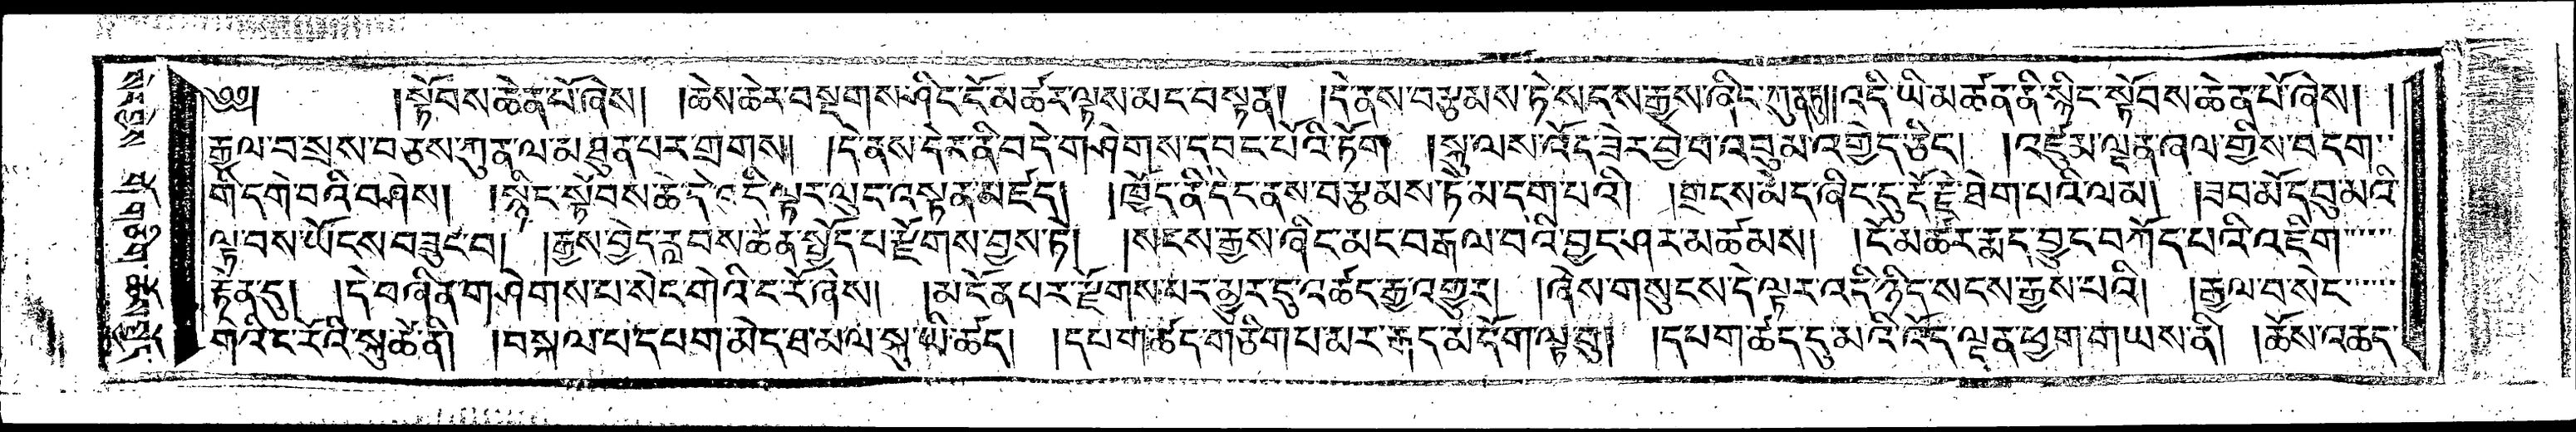༄༅། །སྟོབས་ཆེན་པོ་ཞེས། །ཆེས་ཆེར་བསྔགས་ཤིང་ངོ་མཚར་ལྟས་མང་བསྟན། །དེ་ནས་བརྩམས་ཏེ་སངས་རྒྱས་ཞིང་ཀུན་ཏུ། །འདི་ཡི་མཚན་ནི་སྙིང་སྟོབས་ཆེན་པོ་ཞེས། །
རྒྱལ་བ་སྲས་བཅས་ཀུན་ལ་མཐུན་པར་གྲགས། །དེ་ནས་དེར་ནི་བདེ་གཤེགས་དབང་པོའི་ཏོག །སྐུ་ལས་འོད་ཟེར་བྱེ་བ་འབུམ་འགྱེད་ཅིང་། །འཛུམ་ལྡན་ཞལ་གྱིས་བདག་
གི་དགེ་བའི་བཤེས། །སྙིང་སྟོབས་ཆེ་དེ་འདི་ལྟར་ལུང་བསྟན་མཛད། །ཁྱོད་ནི་དེང་ནས་བརྩམས་ཏེ་མ་དག་པའི། །གྲངས་མེད་ཞིང་དུ་རྡོ་རྗེ་ཐེག་པའི་ལམ། །ཟབ་མོ་དབུ་མའི་
ལྟ་བས་ཡོངས་བཟུང་བ། །རྒྱས་བྱེད་རླབས་ཆེན་སྤྱོད་པ་རྫོགས་བྱས་ཏེ། །སངས་རྒྱས་ཞིང་མང་བརྒལ་བའི་བྱང་ཤར་མཚམས། །ངོ་མཚར་རྨད་བྱུང་བཀོད་པའི་འཇིག་
རྟེན་དུ། །དེ་བཞིན་གཤེགས་པ་སེང་གེའི་ང་རོ་ཞེས། །མངོན་པར་རྫོགས་པར་མྱུར་དུ་འཚང་རྒྱ་འགྱུར། །ཞེས་གསུངས་དེ་ལྟར་འདི་ཉིད་སངས་རྒྱས་པའི། །རྒྱལ་བ་སེང་
གེའི་ང་རོའི་སྐུ་ཚེ་ནི། །བསྐལ་པ་དཔག་མེད་ཐ་མལ་སྐུ་ཡི་ཚད། །དཔག་ཚད་གཅིག་པ་མར་རྒད་མདོག་ལྟ་བུ། །དཔག་ཚད་དུ་མའི་འོད་ལྡན་ཕྱག་གཡས་ནི། །ཆོས་འཆད་